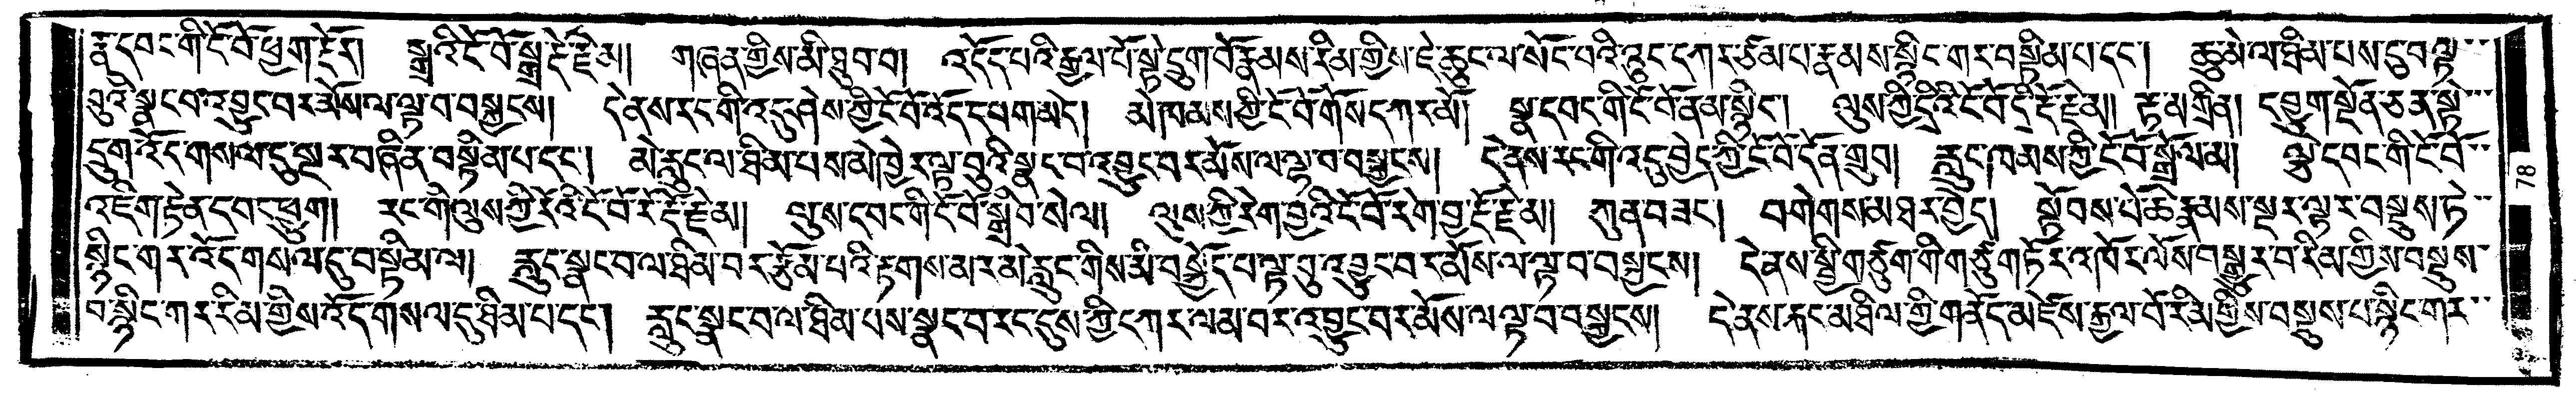རྣ་དབང་གི་ངོ་བོ་ཕྱག་རྡོར། སྒྲའི་ངོ་བོ་སྒྲ་རྡོ་རྗེ་མ། གཞན་གྱིས་མི་ཐུབ་པ། འདོད་པའི་རྒྱལ་པོ་སྟེ་དྲུག་པོ་རྣམས་རིམ་གྱིས་ཇེ་ཆུང་ལ་སོང་བའི་ཉུང་དཀར་ཙམ་པ་རྣམས་སྙིང་གར་བསྟིམ་པ་དང་། ཆུ་མེ་ལ་ཐིམ་པས་དུ་བལྟ་
བུའི་སྣང་བ་འབྱུང་བར་མོས་ལ་ལྟ་བ་བསྐྱངས། དེ་ནས་རང་གི་འདུ་ཤེས་ཀྱི་ངོ་བོ་འོད་དཔག་མེད། མེ་ཁམས་ཀྱི་ངོ་བོ་གོས་དཀར་མོ། སྣ་དབང་གི་ངོ་བོ་ནམ་སྙིང་། ལུས་ཀྱི་དྲིའི་ངོ་བོ་དྲི་རྡོ་རྗེ་མ། རྟ་མགྲིན། དབྱུག་སྔོན་ཅན་སྟེ་
དྲུག་འོད་གསལ་དུ་སྔར་བཞིན་བསྟིམ་པ་དང་། མེ་རླུང་ལ་ཐིམ་པས་མེ་ཁྱེར་ལྟ་བུའི་སྣང་བ་འབྱུང་བར་མོས་ལ་ལྷ་བ་བསྐྱངས། དེ་ནས་རང་གི་འདུ་བྱེད་ཀྱི་ངོ་བོ་དོན་གྲུབ། རླུང་ཁམས་ཀྱི་ངོ་བོ་སྒྲོལ་མ། ལྕེ་དབང་གི་ངོ་བོ་
འཇིག་རྟེན་དབང་ཕྱུག། རང་གི་ལུས་ཀྱི་རོའི་ངོ་བོ་རོ་རྡོ་རྗེ་མ། ལུས་དབང་གི་ངོ་བོ་སྒྲིབ་སེལ། ལུས་ཀྱི་རེག་བྱའི་ངོ་བོ་རེག་བྱ་རྡོ་རྗེ་མ། ཀུན་བཟང་། བགེགས་མཐར་བྱེད། སྟོབས་པོ་ཆེ་རྣམས་སྔར་ལྟར་བསྡུས་ཏེ་
སྙིང་གར་འོད་གསལ་དུ་བསྟིམ་ལ། རླུང་སྣང་བ་ལ་ཐིམ་བར་རྩོམ་པའི་རྟགས་མར་མེ་རླུང་གིས་མི་བསྐྱོད་པ་ལྟ་བུ་འབྱུང་བར་མོས་ལ་ལྟ་བ་བསྐྱངས། དེ་ནས་སྤྱི་གཙུག་གི་གཙུག་ཏོར་འཁོར་ལོས་བསྒྱུར་བ་རིམ་གྱིས་བསྡུས་
བ་སྙིང་གར་རིམ་གྱིས་འོད་གསལ་དུ་ཐིམ་པ་དང་། རླུང་སྣང་བ་ལ་ཐིམ་པས་སྣང་བ་རང་དུས་ཀྱི་དཀར་ལམ་བར་འབྱུང་བར་མོས་ལ་ལྟ་བ་བསྐྱངས། དེ་ནས་རྐང་མཐིལ་གྱི་གནོད་མཛེས་རྒྱལ་པོ་རིམ་གྱིས་བསྡུས་པ་སྙིང་གར་